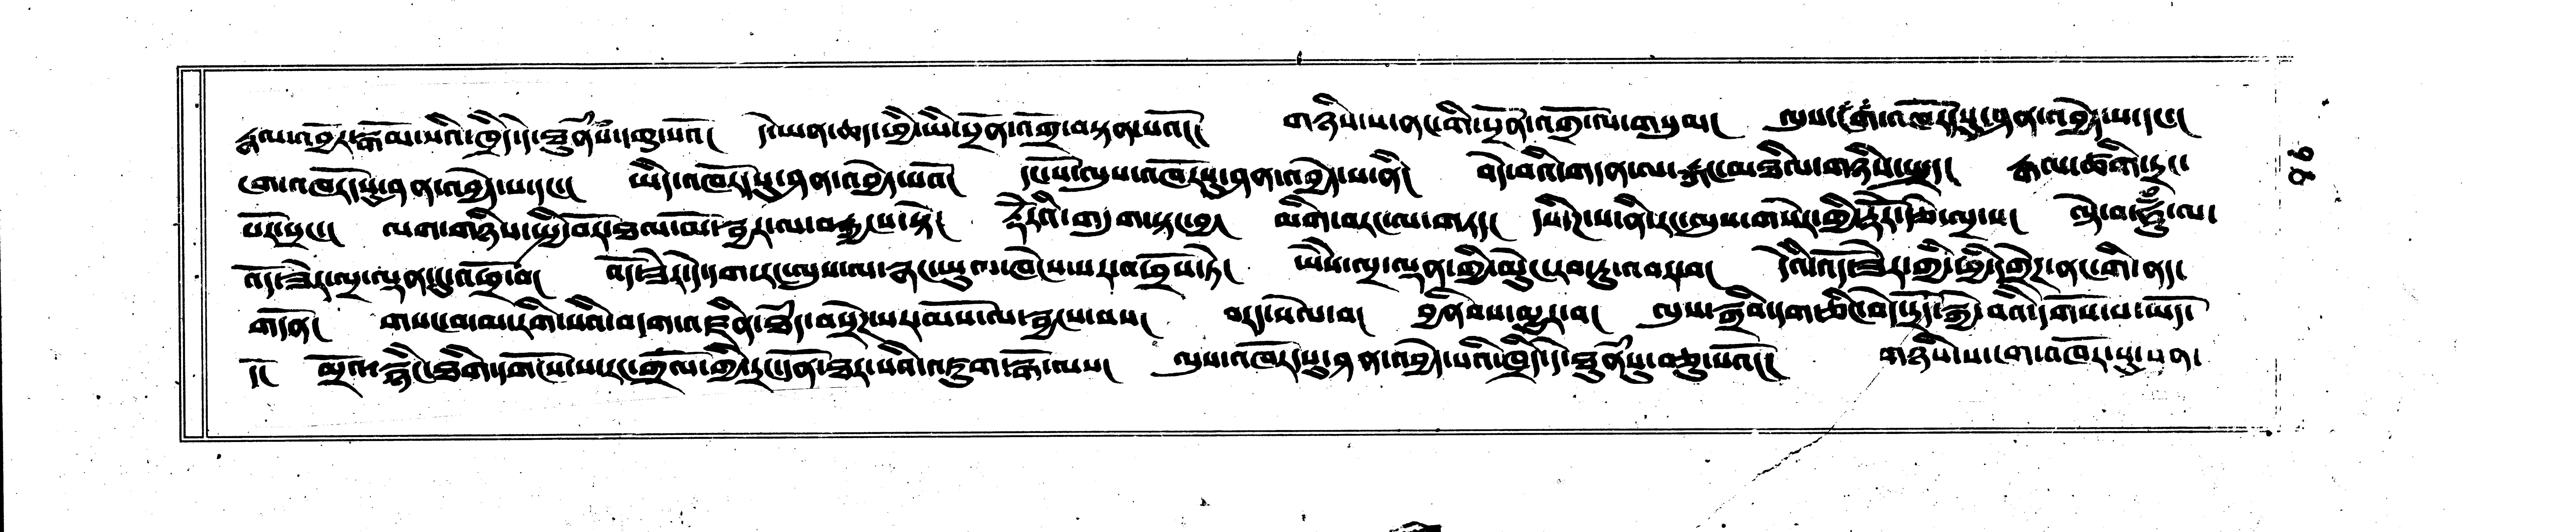རྣལ་འབྱོར་བསྒོམ་པའི་ཁྲིད་དེ་ཐུན་མཚམས་དགུ་པའོ། །དེ་ཡན་ཆད་ཕྱིའི་སྔོན་འགྲོ་བསྟན་པའོ།། །།གཉིས་པ་ནང་གི་སྔོན་འགྲོ་ལ་གསུམ། ལུས་འཁོར་འདས་རུ་ཤན་འབྱེད་པ་དང་། 
ངག་འཁོར་འདས་རུ་ཤན་འབྱེད་པ་དང་། ཡིད་འཁོར་འདས་རུ་ཤན་འབྱེད་པའོ། །དང་པོ་ལུས་འཁོར་འདས་རུ་ཤན་འབྱེད་པ་ནི། བདེ་བའི་གདན་ལ་རྐང་མཐིལ་གཉིས་སྤྲད། རྒལ་ཚིགས་དྲང་
པོ་བསྲང་། ལག་གཉིས་སྤྱི་བོར་ཐལ་མོ་སྦྱར་ལ་བརྐྱངས་ཏེ། རྡོ་རྗེའི་འདུག་སྟངས་བྱ། མིག་བར་སྣང་ལ་གཏད། དམིགས་པ་ནི་རང་ལུས་གསེར་གྱི་རྡོ་རྗེ་རྩེ་ལྔ་པ། ལྟེ་བ་ཧཱུཾ་ལ་
འོད་ཟེར་ལྔ་ལྡན་དུ་འཕྲོ་བ། འོད་ཟེར་དེ་དག་རང་ལུས་ལ་སྣང་ཡུལ་ཁེངས་པར་འཕྲོས་ཏེ། ཡེ་ཤེས་ལྔ་ལྡན་གྱི་མེ་དཔུང་རབ་ཏུ་འབར་བ། དེའི་འོད་ཟེར་གྱི་ཕྱི་དགྲ་བགེགས་ནང་གི་ནད་
གདོན། གསང་བ་མ་རིག་པའི་བདག་འཛིན་ཐམས་ཅད་བསྲེགས་པར་མོས་ལ་སྦྱངས་པས། བར་ཆད་སེལ་བ། བྱིན་རླབས་མྱུར་བ། ལུས་སྒྲིབ་དག་ཅིང་བདེ་དྲོད་སྐྱེ་བའི་དགོས་པ་ཡོད་
དོ། །མཁའ་འགྲོ་སྙིང་ཐིག་དགོངས་པ་རང་གྲོལ་གྱི་དྲང་དོན་ཐར་པའི་འཇུག་སྒོ་ལས། ལུས་འཁོར་འདས་རུ་ཤན་འབྱེད་པའི་ཁྲིད་དེ་ཐུན་མཚམས་བཅུ་པའོ།། །།གཉིས་པ་ངག་འཁོར་འདས་རུ་ཤན་